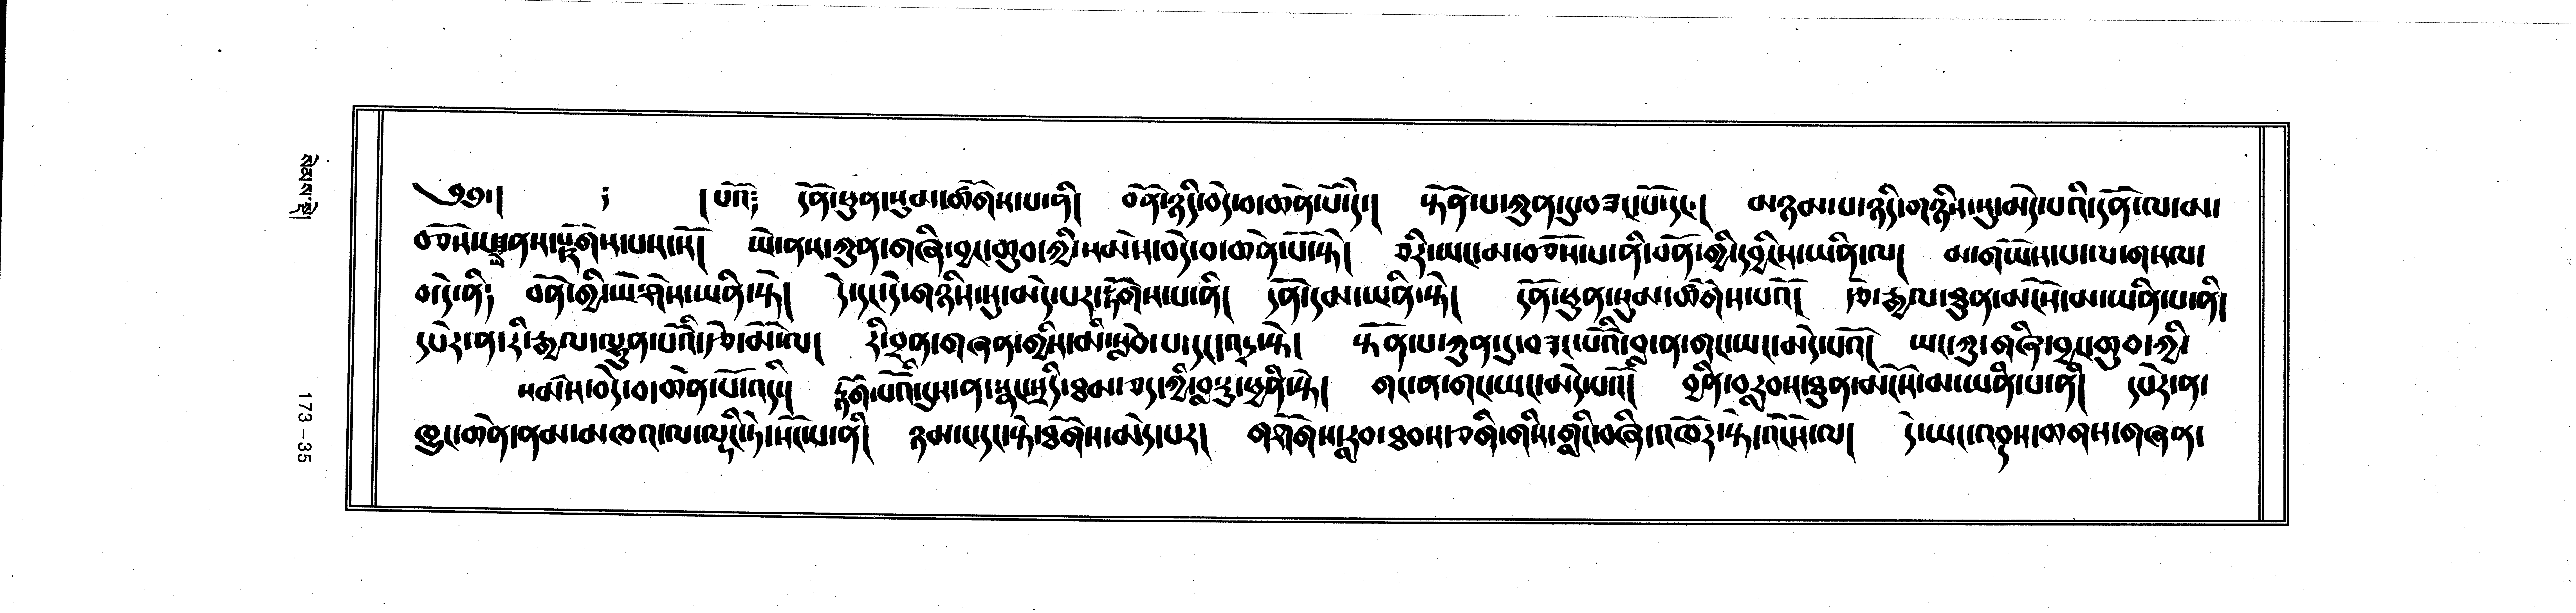པའོ། །དོན་ཕུན་སུམ་ཚོགས་པ་ནི། བོན་ཉིད་བདེ་བ་ཆེན་པོ་དེ། སྟོན་པ་ཀུན་ཏུ་བཟང་པོ་དང་། མཉམ་པ་ཉིད་གཉིས་སུ་མེད་པའི་དོན་ལ་མ་
བཅོས་པ་ཡེ་ནས་རྫོགས་པས་སོ། །ཡེ་ནས་ཀུན་གཞི་བྱང་ཆུབ་ཀྱི་སེམས་བདེ་བ་ཆེན་པོ་སྟེ། ཅིར་ཡང་མ་བཅོས་པ་ནི་བོན་གྱི་དབྱིངས་ཡིན་ལ། མ་གཡོས་པ་ལ་གསལ་
བ་དེ་ནི། བོན་གྱི་ཡེ་ཤེས་ཡིན་ཏེ། དེ་དང་དེ་གཉིས་སུ་མེད་པར་རྟོགས་པ་ནི། དོན་དམ་ཡིན་ཏེ། དོན་ཕུན་སུམ་ཚོགས་པའོ། །རྩེ་རྒྱལ་ཐུན་མོང་མ་ཡིན་པ་ནི། 
དཔེར་ན་རི་རྒྱལ་ལྷུན་པོའི་རྩེ་མོ་ལ། རི་བྲན་གཞན་གྱིས་མི་སླེབ་པ་དང་འདྲ་སྟེ། སྟོན་པ་ཀུན་ཏུ་བཟང་པོའི་བླ་ན་གང་ཡང་མེད་པའོ། །ཡང་ཀུན་གཞི་བྱང་ཆུབ་ཀྱི་
སེམས་བདེ་བ་ཆེན་པོ་འདི། རྟོགས་པའི་དུས་ན་སྣང་སྲིད་ཐམས་ཅད་བླ་རུ་ཕྱིན་ཏེ། གང་ན་གང་ཡང་མེད་པའོ། །བྱིན་རླབས་ཐུན་མོང་མ་ཡིན་པ་ནི། དཔེར་ན་
ཁྱུང་ཆེན་ནམ་མཁའ་ལ་ལྡིང་སྟེ་སོང་བ་ནི། ཉམས་ང་དང་ལྟེ་ཐོགས་མེད་པར། གཤོག་རླབས་ཐབས་ཅིག་གིས་གླིང་གཞི་འཁོར་ཏེ་འོང་ལ། དེ་ཡང་འདབ་ཆགས་གཞན་